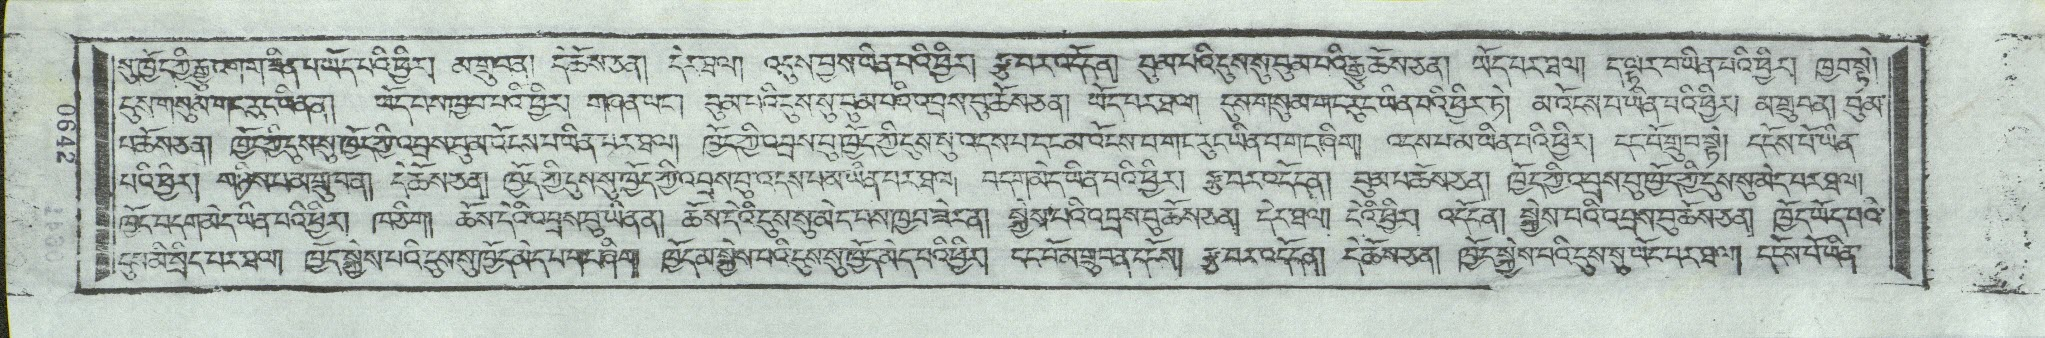སུ་ཁྱོད་ཀྱི་རྒྱུ་འགག་ཟིན་པ་ཡོད་པའི་ཕྱིར། མ་གྲུབ་ན། དེ་ཆོས་ཅན། དེར་ཐལ། འདུས་བྱས་ཡིན་པའི་ཕྱིར། རྩ་བར་འདོད་ན། བུམ་པའི་དུས་སུ་བུམ་པའི་རྒྱུ་ཆོས་ཅན། ཡོད་པར་ཐལ། ད་ལྟར་བ་ཡིན་པའི་ཕྱིར། ཁྱབ་སྟེ།
དུས་གསུམ་གང་རུང་ཡིན་ན། ཡོད་པས་ཁྱབ་པའི་ཕྱིར། གཞན་ཡང་། བུམ་པའི་དུས་སུ་བུམ་པའི་འབྲས་བུ་ཆོས་ཅན། ཡོད་པར་ཐལ། དུས་གསུམ་གང་རུང་ཡིན་པའི་ཕྱིར་ཏེ། མ་འོངས་པ་ཡིན་པའི་ཕྱིར། མ་གྲུབ་ན། བུམ་
པ་ཆོས་ཅན། ཁྱོད་ཀྱི་དུས་སུ་ཁྱོད་ཀྱི་འབྲས་བུ་མ་འོངས་པ་ཡིན་པར་ཐལ། ཁྱོད་ཀྱི་འབྲས་བུ་ཁྱོད་ཀྱི་དུས་སུ་འདས་པ་དང་མ་འོངས་པ་གང་རུང་ཡིན་པ་གང་ཞིག། འདས་པ་མ་ཡིན་པའི་ཕྱིར། དང་པོ་གྲུབ་སྟེ། དངོས་པོ་ཡིན་
པའི་ཕྱིར། གཉིས་པ་མ་གྲུབ་ན། དེ་ཆོས་ཅན། ཁྱོད་ཀྱི་དུས་སུ་ཁྱོད་ཀྱི་འབྲས་བུ་འདས་པ་མ་ཡིན་པར་ཐལ། བདག་མེད་ཡིན་པའི་ཕྱིར། རྩ་བར་འདོད་ན། བུམ་པ་ཆོས་ཅན། ཁྱོད་ཀྱི་འབྲས་བུ་ཁྱོད་ཀྱི་དུས་སུ་མེད་པར་ཐལ།
ཁྱོད་བདག་མེད་ཡིན་པའི་ཕྱིར། ཁ་ཅིག། ཆོས་དེའི་འབྲས་བུ་ཡིན་ན། ཆོས་དེའི་དུས་སུ་མེད་པས་ཁྱབ་ཟེར་ན། སྐྱེས་པའི་འབྲས་བུ་ཆོས་ཅན། དེར་ཐལ། དེའི་ཕྱིར། འདོད་ན། སྐྱེས་པའི་འབྲས་བུ་ཆོས་ཅན། ཁྱོད་ཡོད་པའི་
དུས་མི་སྲིད་པར་ཐལ། ཁྱོད་སྐྱེས་པའི་དུས་སུ་ཁྱོད་མེད་པ་གང་ཞིག། ཁྱོད་མ་སྐྱེས་པའི་དུས་སུ་ཁྱོད་མེད་པའི་ཕྱིར། དང་པོ་མ་གྲུབ་ན་དངོས། རྩ་བར་འདོད་ན། དེ་ཆོས་ཅན། ཁྱོད་སྐྱེས་པའི་དུས་སུ་ཡོད་པར་ཐལ། དངོས་པོ་ཡིན་